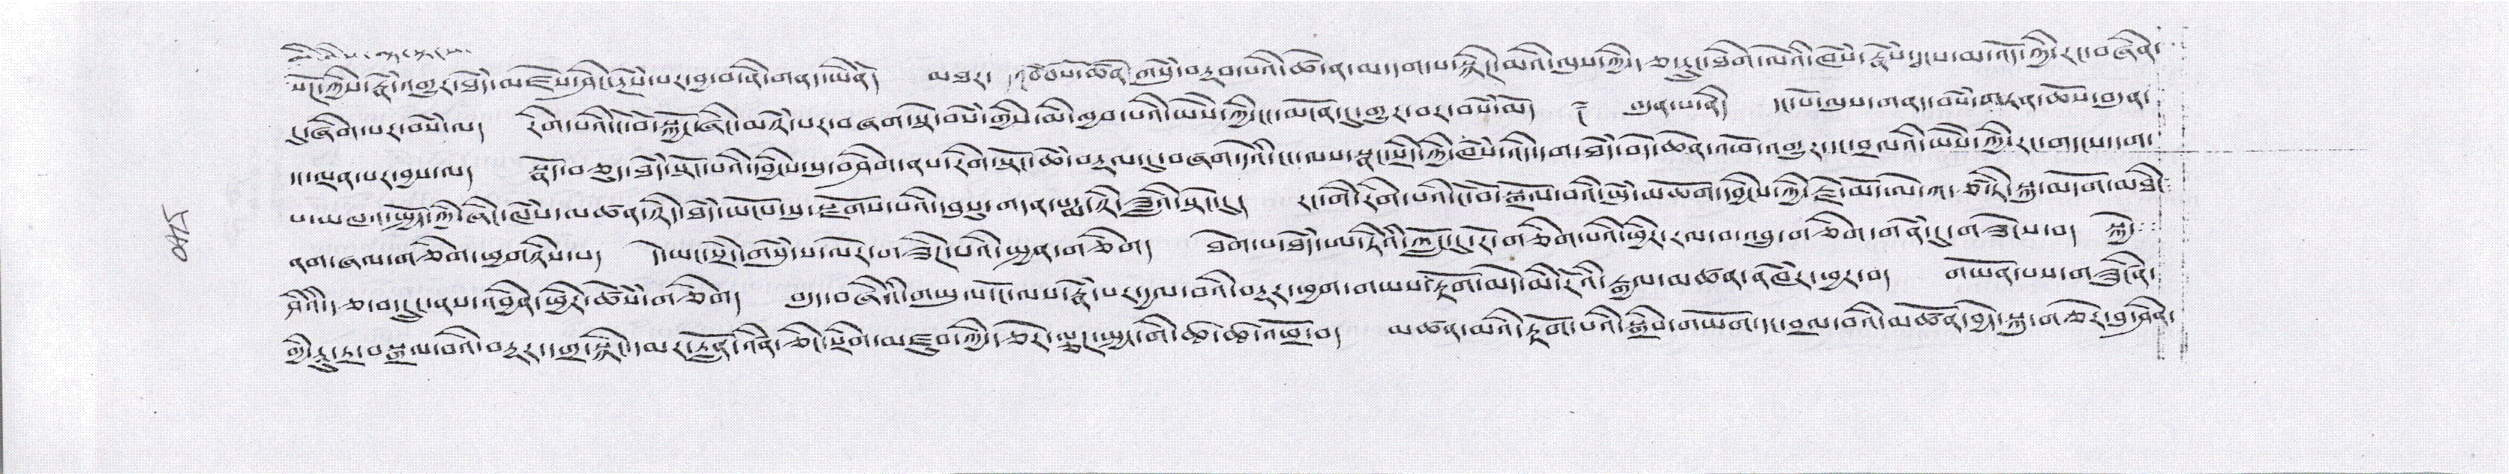མིག་གི་ལྟ་སྟངས་སོགས་ཀྱི་རྣམ་འགྱུར་ཐམས་ཅད་མཛེས་ཤིང་རྔམས་པར་བྱ་བ་ནི་གནད་ཡིན་ནོ། མཐར་འབེབས་ཆེན་པོ་གསུམ་བརྡབ་པའི་ཚེ་ན་མ་དག་པ་སྙིགས་མའི་ལུས་ཀྱི་རྩ་རླུང་ཐིག་ལེིའི ཁམས་རྣམས་དང་མ་འོད་ཀྱི་རང་བཞིན་
དུ་ཞིག་པར་བསམ་ལ། རིག་པའི་ངོ་བོ་སྐྱོང་ཞིང་མཉམ་པར་བཞག་སྟེ་བསམ་གྱིས་མི་ཁྱབ་པའི་ཡེ་ཤེས་ཀྱི་ངང་མངོན་དུ་གྱུར་པར་བསམ་མོ།། ༧ བདུན་པ་ནི། དང་པོ་ལུས་གནད་བསམ་གཏན་གྱི་ཆོས་བདུན་
དང་ལྡན་པར་བྱས་ལ། སྣོད་བཅུད་ཐམས་ཅད་སྟོང་པའི་དབྱིངས་སུ་བཤིགས་ནས་རིག་སྟོང་ཆམ་བརྡལ་དུ་བཞག དེའི་ངང་ལས་སྣང་སྲིད་ཀྱི་ཁམས་འདི་དག་ཐམས་ཅད་བདེ་ཆེན་འཕོ་འགྱུར་དང་བྲལ་བའི་ཡེ་ཤེས་ཀྱི་རང་གདངས་དག་
པ་མཁའ་སྤྱོད་ཀྱི་ཞིང་ཁམས་མཚན་ཉིད་ཐམས་ཅད་ཡོངས་སུ་རྫོགས་པའི་དབུས་སུ་གདན་པད་མ་ཉི་ཟླའི་སྟེང་དུ། རང་གི་རིག་པའི་ངོ་བོ་སྒྲོལ་བའི་ཡུམ་མཆོག་དབྱིངས་ཀྱི་རྡོ་རྗེ་མོ་ཨེ་ཀ་ཙ་ཏི་སྐུ་མདོག་མཐིང་
ནག་ཞལ་གཅིག་ཕྱག་གཉིས་པ། དེ་ཡང་སྲིད་གསུམ་ས་ལེར་གཟིགས་པའི་སྤྱན་གཅིག ཐེག་པ་ཐམས་ཅད་ཨ་ཏིའི་ཀློང་དུ་རོ་གཅིག་པའི་ཕྱིར་རལ་པ་འབྲུ་གཅིག་གནམ་དུ་གཟིངས་པ། སྐྱེ་
ཤིའི་རྩ་བ་དྲུང་ནས་འབྱིན་ཕྱིར་ཚེམས་གཅིག བདུད་བཞིའི་གཡུལ་ངོ་ལས་རྣམ་པར་རྒྱལ་བའི་བརྡར་ཕྱག་གཡས་རྟོག་མེད་མི་རོའི་རྒྱལ་མཚན་ནམ་མཁར་ཕྱར་བ། གཡོན་པས་གཟུང་འཛིན་
གྱི་རུ་ཏྲ་བསྒྲལ་བའི་བརྡར་དགྲ་སྙིང་དམར་རློན་འཛིན་ཅིང་སྡིག་འཛུབ་ཀྱི་རྩེར་ལྕགས་སྤྱང་གི་ཚྭ་ཚྭ་འཕྲོ་བ། མཚན་མའི་རྟོག་པའི་སྒྲིབ་གཡོགས་དང་བྲལ་བའི་མཚོན་བྱེད་སྐུ་གཅེར་བུ་ཤིན་ཏུ་